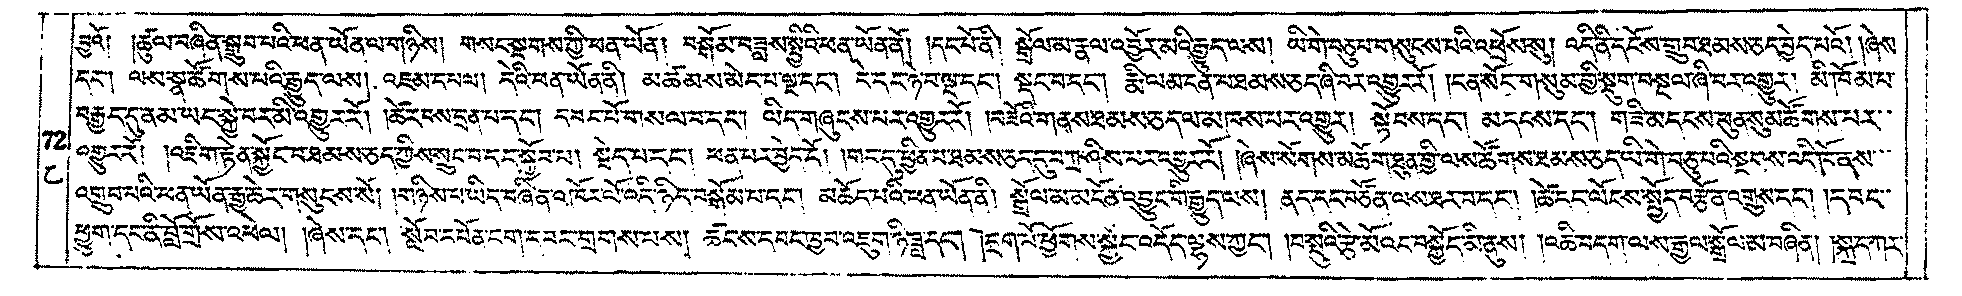བྱའོ། །ཚུལ་བཞིན་སྒྲུབ་པའི་ཕན་ཡོན་ལ་གཉིས། གསང་སྔགས་ཀྱི་ཕན་ཡོན། བསྒོམ་བཟླས་སྤྱིའི་ཕན་ཡོན་ནོ། །དང་པོ་ནི། སྒྲོལ་མ་རྣལ་འབྱོར་མའི་རྒྱུད་ལས། ཡི་གེ་བཅུ་པ་གསུངས་པའི་འཕྲོས་སུ། འདི་ནི་དངོས་གྲུབ་ཐམས་ཅད་བྱེད་པའོ། །ཞེས་
དང་། ལས་སྣ་ཚོགས་པའི་རྒྱུད་ལས། འཇམ་དཔལ། དེའི་ཕན་ཡོན་ནི། མཚམས་མེད་པ་ལྔ་དང་། དེ་དང་ཉེ་བ་ལྔ་དང་། སྡང་བ་དང་། རྨི་ལམ་ངན་པ་ཐམས་ཅད་ཞི་བར་འགྱུར་རོ། །ངན་སོང་གསུམ་གྱི་སྡུག་བསྔལ་ཞི་བར་འགྱུར། མི་ཁོམ་པ་
བརྒྱད་དུ་ནམ་ཡང་སྐྱེ་བར་མི་འགྱུར་རོ། །ཚེ་རབས་དྲན་པ་དང་། དབང་པོ་གསལ་བ་དང་། ཡིད་གཞུངས་པར་འགྱུར་རོ། །བཟོའི་གནས་ཐམས་ཅད་ལ་མཁས་པར་འགྱུར། སྟོབས་དང་། མདངས་དང་། གཟི་མདངས་ཕུན་སུམ་ཚོགས་པར་་་
འགྱུར་རོ། །འཇིག་རྟེན་སྐྱོང་བ་ཐམས་ཅད་ཀྱིས་སྲུང་བ་དང་སྐྱོབ་པ། སྦེད་པ་དང་། ཕན་པར་བྱེད་དོ། །གང་དུ་ཕྱིན་པ་ཐམས་ཅད་དུ་བཀྲ་ཤིས་པར་འགྱུར་རོ། །ཞེས་སོགས་མཆོག་ཐུན་གྱི་ལས་ཚོགས་ཐམས་ཅད་ཡི་གེ་བཅུ་པའི་སྔགས་འདི་ཁོ་ནས་་་
འགྲུབ་པའི་ཕན་ཡོན་རྒྱ་ཆེར་གསུངས་སོ། །གཉིས་པ་ཡིད་བཞིན་འཁོར་ལོ་འདི་ཉིད་བསྒོམ་པ་དང་། མཆོད་པའི་ཕན་ཡོན་ནི། སྒྲོལ་མ་མངོན་འབྱུང་གི་རྒྱུད་ལས། ནད་དང་བཙོན་ལས་ཐར་བ་དང་། །ཚེ་དང་ལོངས་སྤྱོད་བརྩོན་འགྲུས་དང་། །དབང་་་
ཕྱུག་དང་ནི་བློ་གྲོས་འཕེལ། །ཞེས་དང་། སློབ་དཔོན་ངག་དབང་གྲགས་པས། ཚངས་དབང་ཁྱབ་འཇུག་ཉི་ཟླ་དང་། །དྲག་པོ་ཕྱོགས་སྐྱོང་འདོད་ལྷས་ཀྱང་། །བ་སྤུའི་རྩེ་མོའང་བསྐྱོད་མི་ནུས། །འཆི་བདག་ལས་རྒྱལ་སྒྲོལ་མ་བཞིན། །སྐྲ་དཀར་